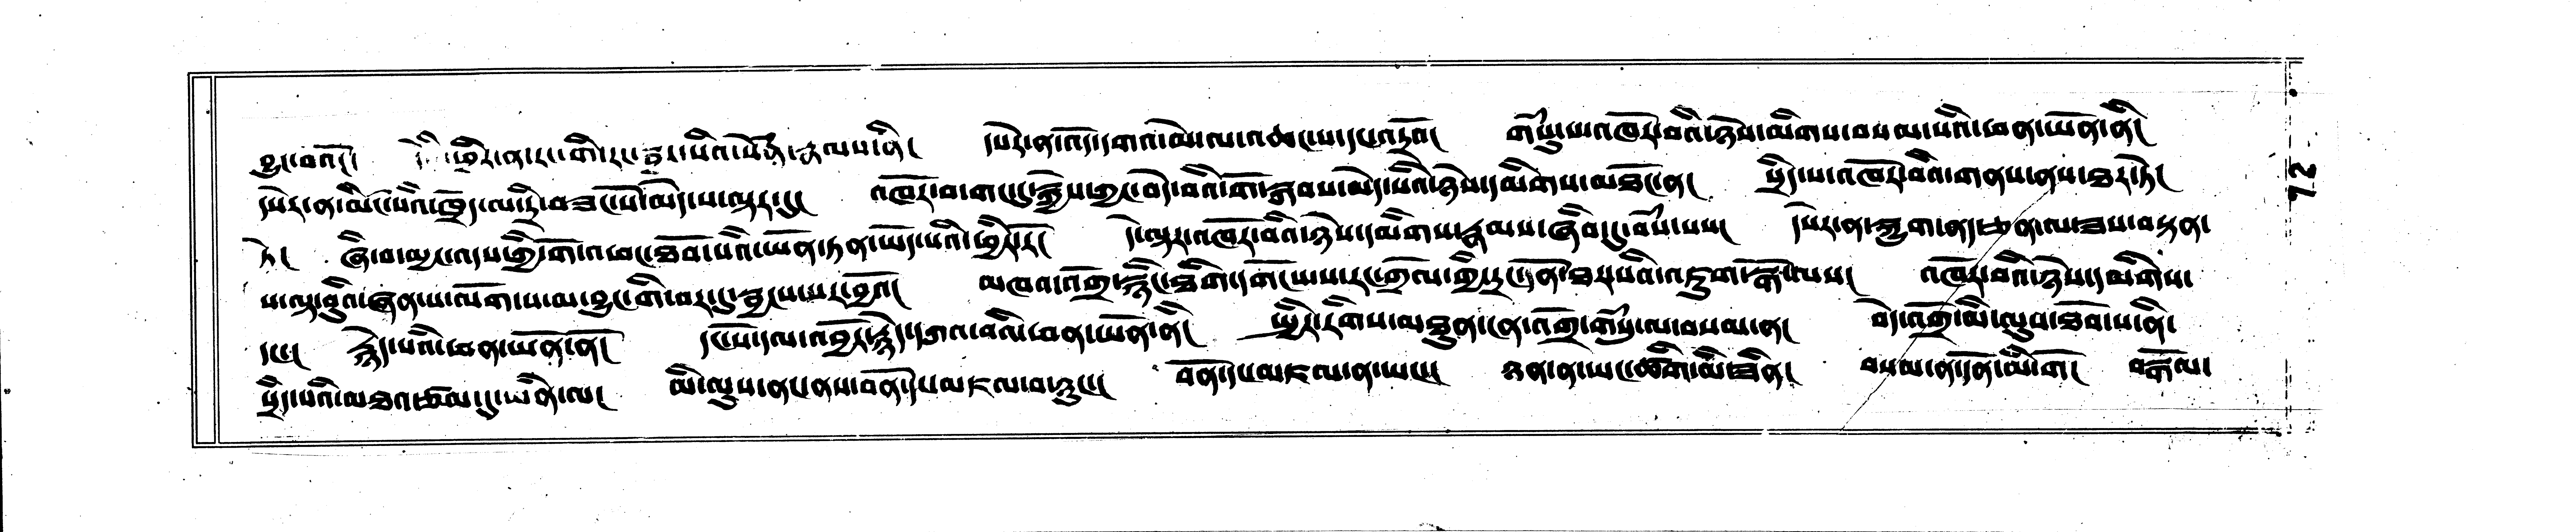བྱུང་བའོ། །དེའི་ཕྱིར་ན་རང་གིས་རང་སྦྱོང་བའི་སེམས་ཅན་རྣམས་ནི། དཔེར་ན་འོད་དགའ་མེ་ལ་མཆོང་བ་དང་འདྲའོ། །གསུམ་པ་འཁོར་བའི་ཉེས་དམིགས་བསམ་པའི་ཕན་ཡོན་ནི། 
དཔེར་ན་མི་གཙང་བའི་ཁྲོད་ལ་དྲི་བཟང་པོ་མེད་པ་ལྟར་དུ། འཁོར་བ་གང་དུ་སྐྱེས་ཀྱང་བདེ་བའི་གོ་སྐབས་མེད་པའི་ཉེས་དམིགས་མཐོང་ན། སྲིད་པ་འཁོར་བའི་གནས་ནས་ཐར་ཏེ།
ཏེ་ ཞི་བ་མྱང་འདས་ཀྱི་གོ་འཕང་ཐོབ་པའི་ཡོིན་ཏན་ཡོད་པའི་ཕྱིར་རོ། །དེ་ལྟར་འཁོར་བའི་ཉེས་དམིགས་རྣམས་ཞིབ་ཏུ་བསམས་པས། དཔེར་ན་སྐྱུག་ནད་ཅན་ལ་ཟས་བསྟན་
པ་ལྟ་བུའི་ཞེན་པ་ལོག་པ་མ་བྱུང་གི་བར་དུ་སྦྱངས་པར་བྱའོ། །མཁའ་འགྲོ་སྙིང་ཐིག་དགོངས་པ་རང་གྲོལ་གྱི་དྲང་དོན་ཐར་པའི་འཇུག་སྒོ་ལས། འཁོར་བའི་ཉེས་དམིགས་
དང་། རྙེད་པའི་ཕན་ཡོན་ནོ། །དང་པོ་དལ་འབྱོར་རྙེད་དཀའ་བའི་ཕན་ཡོན་ནི། སྤྱིར་རིགས་མཐུན་ངན་འགྲོ་གསུམ་ལ་བསམས་ན། བདེ་འགྲོ་མི་ལུས་ཐོབ་པ་ནི། 
སྲིད་པའི་མཐའ་ཙམ་དུ་ཡིན་ལ། མི་ལུས་ནང་ནས་བོན་དང་མཇལ་བ་ཉུང་། བོན་དང་མཇལ་ན་ཡང་། ཉན་ནའང་ཚིག་མི་ཟིན། བསམ་ན་དོན་མི་གོ བསྒོམ་ན་